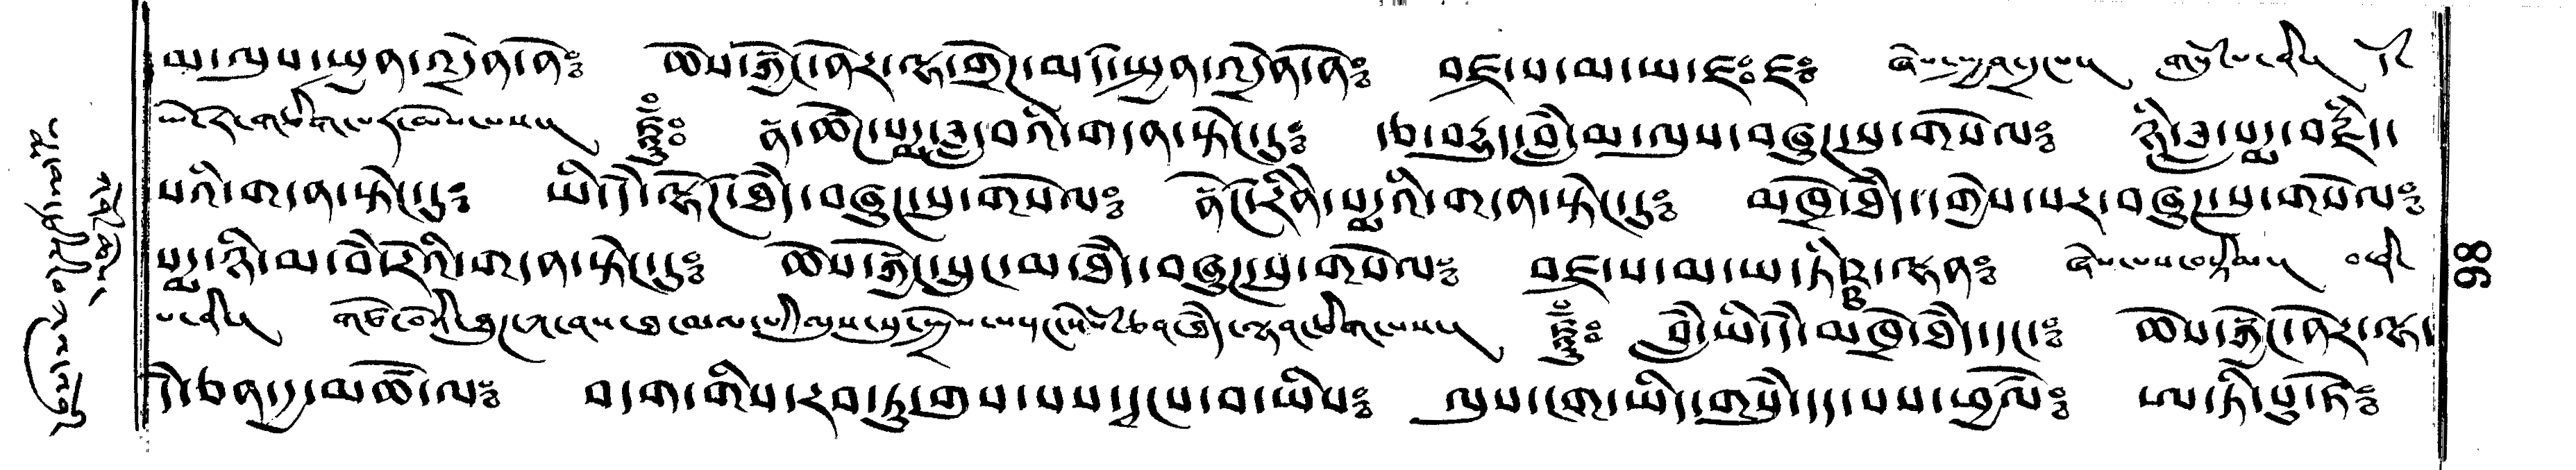མ་ལུས་སྤྱན་འདྲེན་ནོ༔ ཆོས་སྐྱོང་ནོར་ལྷ་གྲོགས་མཛད་སྤྱན་འདྲེན་ནོ༔ བཛྲ་ས་མ་ཡ་ཛ་ཛཿ ཞེས་སྤྱན་དྲངས། གསུམ་པ་ནི། དམ་
ཡེ་རོ་གཅིག་པར་མོས་པས། ཧཱུྃ༔ སྣ་ཚོགས་པདྨ་ཟླ་བའི་གདན་སྟེང་དུ༔ རྩ་བརྒྱུད་བླ་མ་མ་ལུས་བཞུགས་སུ་གསོལ༔ ཉི་ཟླ་པདྨ་བརྗིད་
པའི་གདན་སྟེང་དུ༔ ཡི་དམ་ལྷ་ཚོགས་ཐམས་ཅད་བཞུགས་སུ་གསོལ༔ སྣ་ཚོགས་རིན་ཆེན་པདྨའི་གདན་སྟེང་དུ༔ མཁའ་འགྲོ་ཐམས་ཅད་དགྱེས་པར་བཞུགས་སུ་གསོལ༔ 
པདྨ་ཉི་མ་བམ་རོའི་གདན་སྟེང་དུ༔ ཆོས་སྐྱོང་སྲུང་མ་ཐམས་ཅད་བཞུགས་སུ་གསོལ༔ བཛྲ་ས་མ་ཡ་ཏིཥྛ་ལྷན༔ ཞེས་པས་བསྟིམ། བཞི་
པ་ནི། གཙོ་བོའི་ཐུགས་ཀ་ནས་ཐ་མལ་པའི་ལུས་སུ་སྤྲོས་པ་དང་སེམས་ཅན་ཐམས་ཅད་ལྷན་གཅིག་པས། ཧཱུྃ༔ བླ་མ་ཡི་དམ་མཁའ་འགྲོ་ཐམས་ཅད་དང༔ ཆོས་སྐྱོང་ནོར་ལྷ་
དམ་ཅན་རྒྱ་མཚོ་ལ༔ བདག་གིས་རབ་ཏུ་གུས་པས་དྭངས་བ་ཡིས༔ ལུས་ངག་ཡིད་གསུམ་དད་པས་ཕྱག་འཚལ་ལོ༔ ཨ་ཏི་པུ་ཧོ༔